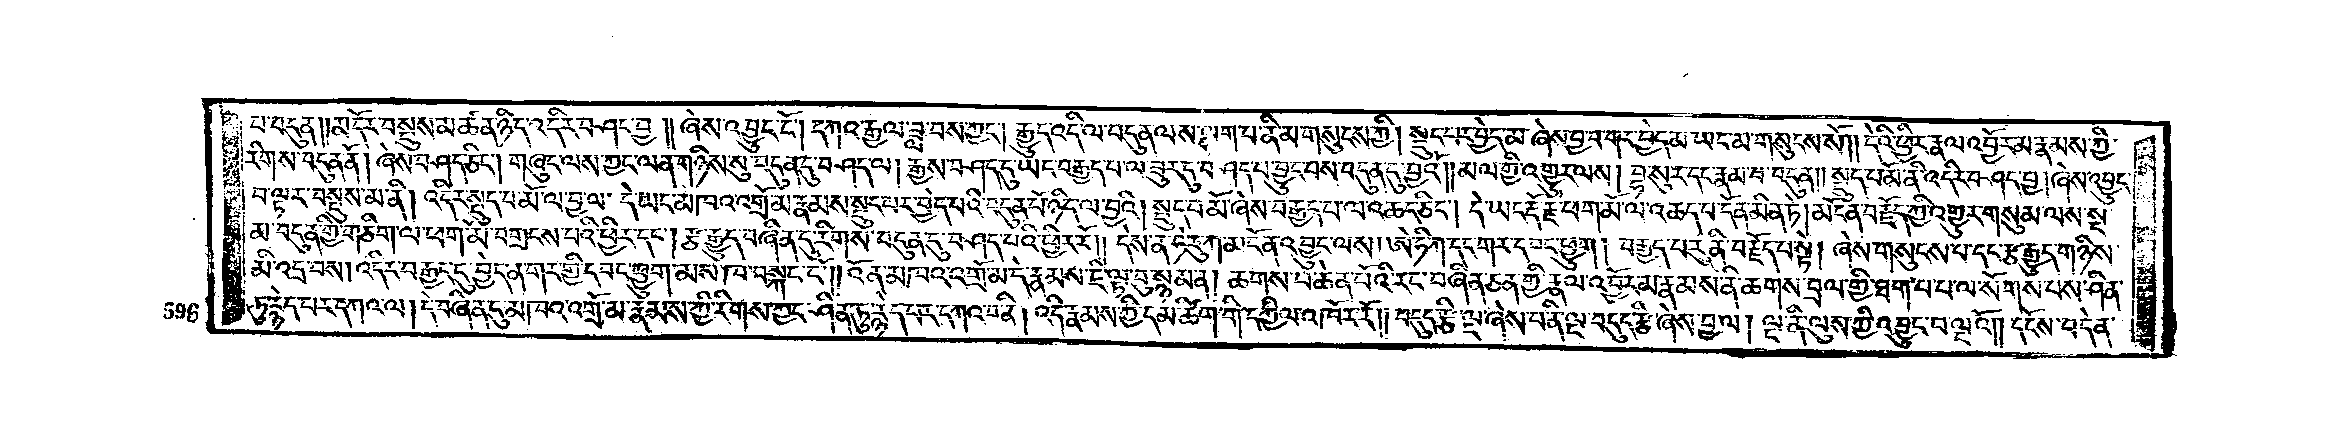པ་བདུན། །མདོར་བསྡུས་མཚན་ཉིད་འདིར་བཤད་བྱ། །ཞེས་འབྱུང་ངོ། །དཀའ་རྒྱལ་ཟླ་བས་ཀྱང་། རྒྱུད་འདི་ལ་བདུན་ལས་ལྷག་པ་ནི་མ་གསུངས་ཀྱི། སྡུད་པར་བྱེད་མ་ཞེས་བྱ་བ་གར་བྱེད་མ་ཡང་མ་གསུངས་སོ། །དེའི་ཕྱིར་རྣལ་འབྱོར་མ་རྣམས་ཀྱི་
རིགས་བདུན་ནོ། ཞེས་བཤད་ཅིང་། གཞུང་ལས་ཀྱང་ལན་གཉིས་སུ་བདུན་དུ་བཤད་ལ། རྒྱས་བཤད་དུ་ཡང་བརྒྱད་པ་ལ་ཟུར་དུ་བཤད་པ་བྱུང་བས་བདུན་དུ་བྱའོ། །མལ་གྱི་འགྱུར་ལས། བྷ་སུ་ར་དང་རྣམ་པ་བདུན། །སྡུད་པ་མོ་ནི་འདིར་བཤད་བྱ། ཞེས་འབྱུང་
བ་ལྟར་བསྡུས་མ་ནི། འདིར་སྡུད་པ་མོ་ལ་བྱ་ལ་དེ་ཡང་མཁའ་འགྲོ་མ་རྣམས་སྡུད་པར་བྱེད་པའི་བདུན་པོ་ཉིད་ལ་བྱའི། སྡུད་པ་མོ་ཞེས་བརྒྱད་པ་ལ་འཆད་ཅིང་། དེ་ཡང་རྡོ་རྗེ་ཕག་མོ་ལ་འཆད་པ་དོན་མིན་ཏེ། མངོན་བརྗོད་ཀྱི་འགྱུར་གསུམ་ལས་སྔ་
མ་བདུན་གྱི་གཅིག་ལ་ཕག་མོ་བགྲངས་པའི་ཕྱིར་དང་། རྩ་རྒྱུད་བཞིན་དུ་རིགས་བདུན་དུ་བཤད་པའི་ཕྱིར་རོ། །དེས་ན་ཧེ་རུ་ཀ་མངོན་འབྱུང་ལས། ཨེ་ཧི་ཀ་དང་གར་དབང་ཕྱུག །བརྒྱད་པ་རུ་ནི་བརྗོད་པ་སྟེ། ཞེས་གསུངས་པ་དང་རྩ་རྒྱུད་གཉིས་
མི་འདྲ་བས། འདིར་བརྒྱད་དུ་བྱེད་ན་གར་གྱི་དབང་ཕྱུག་མས་ཁ་བསྐང་ངོ། །འོ་ན་མཁའ་འགྲོ་མ་དེ་རྣམས་ཇི་ལྟ་བུ་སྙམ་ན། ཆགས་པ་ཆེན་པོའི་རང་བཞིན་ཅན་གྱི་རྣལ་འབྱོར་མ་རྣམས་ནི་ཆགས་བྲལ་གྱི་ཐེག་པ་པ་ལ་སོགས་པས་ཤིན་
ཏུ་རྙད་པར་དཀའ་ལ། དེ་བཞིན་དུ་མཁའ་འགྲོ་མ་རྣམས་ཀྱི་རིགས་ཀྱང་ཤིན་ཏུ་རྙེད་པར་དཀའ་བ་ནི། འདི་རྣམས་ཀྱི་དམ་ཚིག་གི་དཀྱིལ་འཁོར་རོ། །བདུད་རྩི་ལྔ་ཞེས་པ་ནི་ལྔ་བདུད་རྩི་ཞེས་བྱ་ལ། ལྔ་ནི་ལུས་ཀྱི་འབྱུང་བ་ལྔའོ། །དངོས་བདེན་